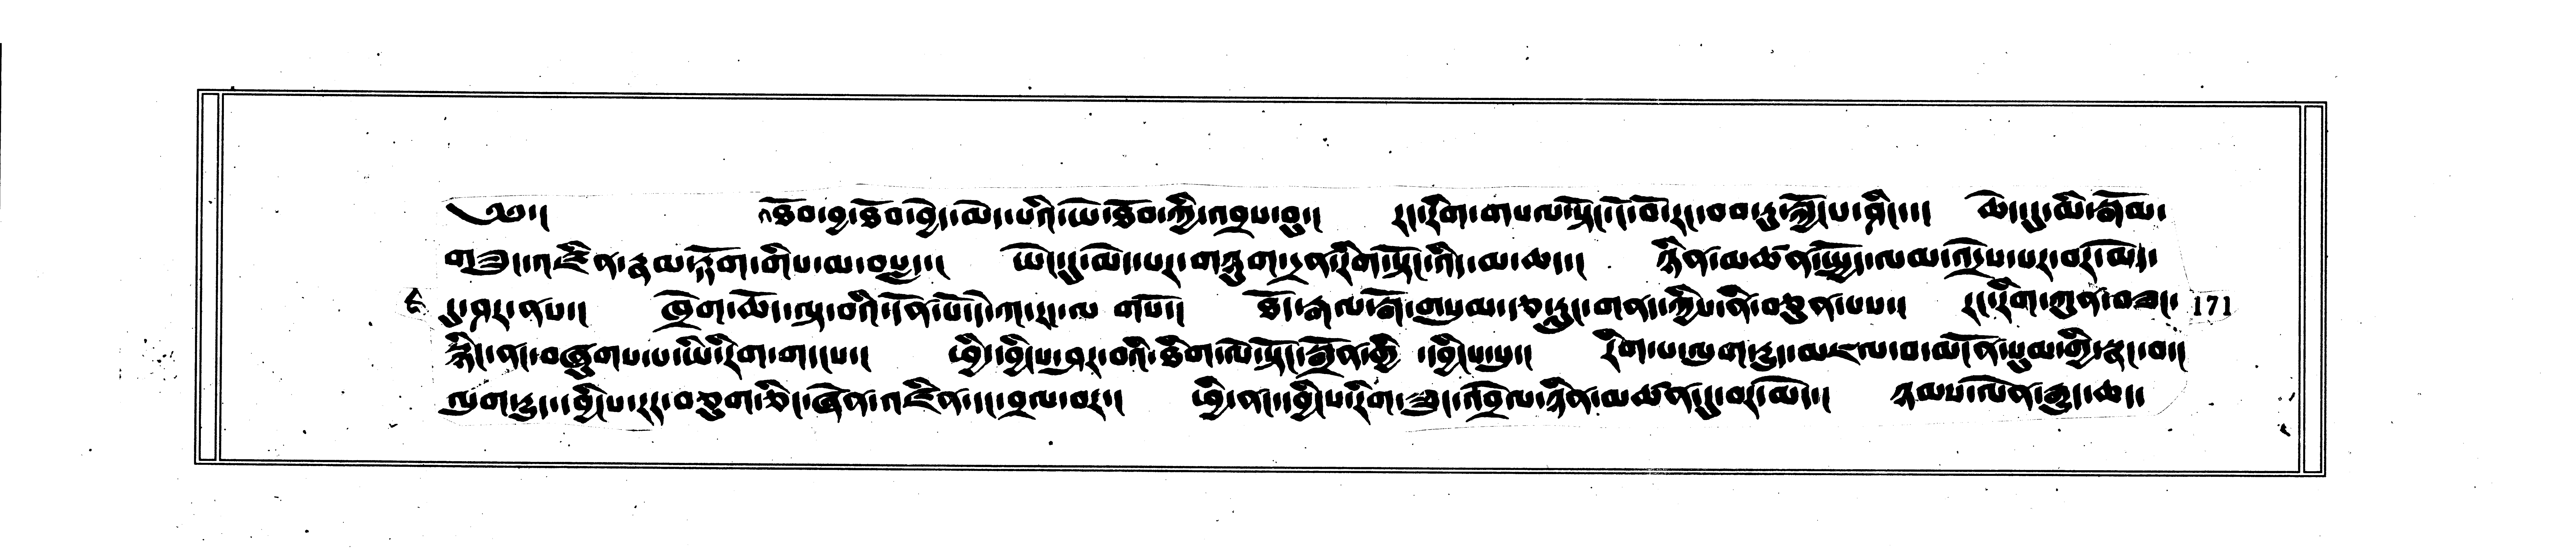འཐོབ་བྱ་ཐོབ་བྱེད་མེད་པའི་ཡེ་ཐོབ་ཀྱི་འབྲས་བུ། །རང་རིག་གསལ་སྟོང་ངོ་བོ་རང་བབས་སུ་སྐྱོངས་ཤིག །ཆེད་དུ་མི་སྒོམ་
གཟུང་འཛིན་རྣམ་རྟོག་གིས་མ་བསླད། །ཡེང་དུ་མེད་པར་གཉུག་དྲན་རིག་སྟོང་འདི་མ་ཆད། །ཉིན་མཚན་སྤྱོད་ལམ་འདྲེས་པར་བར་མེད་
དུ་ཤར་ནས། །ཁྲེག་ཆོད་ལྟ་བའི་དོན་པོ་དེ་ག་རང་ལགས་སོ། །ཐོད་རྒལ་སྒོ་གསུམ་རྩ་རླུང་གནད་ཀྱིས་ནི་གཅུན་པས། །རང་རིག་ཀུན་བཟང་
སྙིང་ནང་བཞུགས་པ་ཡི་རིག་གདངས། །ཕྱི་དབྱིངས་ཤར་བའི་ཐིག་ལེ་སྟོང་སྒྲོན་གྱི་དབྱིངས་སུ། །རིག་པ་ལུག་རྒྱུད་འཇལ་བ་མངོན་སུམ་གྱི་སྣང་བ། 
།ལུག་རྒྱུད་དབྱིངས་རང་བཅུག་ཅིང་ཞེན་འཛིན་དང་བྲལ་བར། །ཕྱི་ནང་དབྱིངས་རིག་ཟུང་འབྲེལ་ཉིན་མཚན་དུ་བར་མེད། །ཉམས་ལེན་རྒྱུན་ཆད་